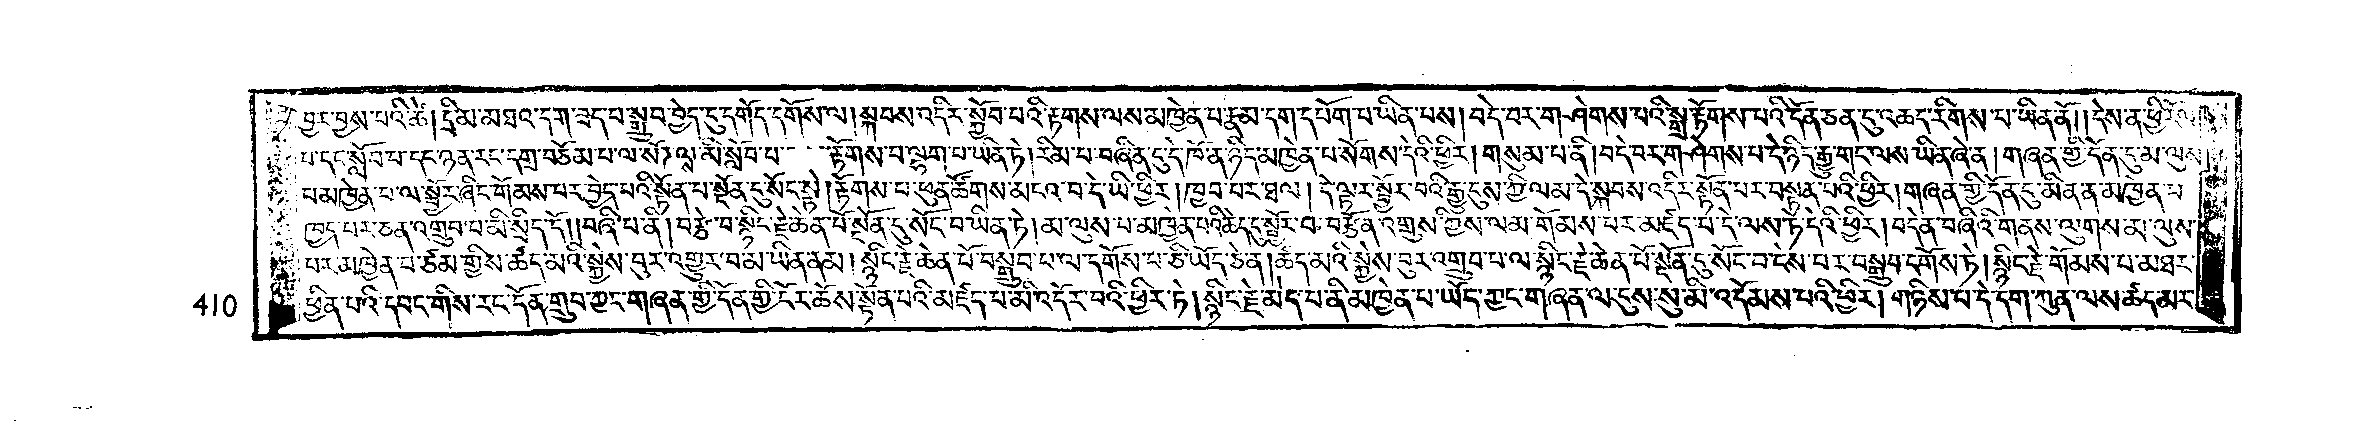བྱར་བྱས་པའི་ཚེ། དྲི་མ་མཐའ་དག་ཟད་པ་སྒྲུབ་བྱེད་དུ་དགོད་དགོས་ལ། སྐབས་འདིར་སྐྱོབ་པའི་རྟགས་ལས་མཁྱེན་པ་རྣམ་དག་དཔོག་པ་ཡིན་པས། བདེ་བར་གཤེགས་པའི་སྒྲ་རྟོགས་པའི་དོན་ཅན་དུ་འཆད་རིགས་པ་ཡིན་ནོ། །དེས་ན་བྱི་རོལ་
པ་དང་སློབ་པ་དང་ཉན་རང་དགྲ་བཅོམ་པ་ལ་སོགས་ལས་མི་སློབ་པ་རྟོགས་པ་ལྷག་པ་ཡིན་ཏེ། རིམ་པ་བཞིན་དུ་དེ་ཁོ་ན་ཉིད་མཁྱེན་པ་སོགས་དེའི་ཕྱིར། གསུམ་པ་ནི། བདེ་བར་གཤེགས་པ་དེ་ཉིད་རྒྱུ་གང་ལས་ཡིན་ཞེ་ན། གཞན་གྱི་དོན་དུ་མ་ལུས་
པ་མཁྱེན་པ་ལ་སྦྱོར་ཞིང་གོམས་པར་བྱེད་པའི་སྟོན་པ་སྔོན་དུ་སོང་སྟེ། རྟོགས་པ་ཕུན་ཚོགས་མངའ་བ་དེ་ཡི་ཕྱིར། ཁྱབ་པར་ཐལ། དེ་ལྟར་སྦྱོར་བའི་རྒྱུ་དུས་ཀྱི་ལམ་དེ་སྐབས་འདིར་སྟོན་པར་བསྟན་པའི་ཕྱིར། གཞན་གྱི་དོན་དུ་མིན་ན་མཁྱེན་པ་
ཁྱད་པར་ཅན་འགྲུབ་པ་མི་སྲིད་དོ། །བཞི་པ་ནི། བརྩེ་བ་སྙིང་རྗེ་ཆེན་པོ་སྔོན་དུ་སོང་བ་ཡིན་ཏེ། མ་ལུས་པ་མཁྱེན་པའི་ཆེད་དུ་སྦྱོར་བ་བརྩོན་འགྲུས་ཀྱིས་ལམ་གོམས་པར་མཛད་པ་དེ་ལས་ཏེ་དེའི་ཕྱིར། བདེན་བཞིའི་གནས་ལུགས་མ་ལུས་
པར་མཁྱེན་པ་ཙམ་གྱིས་ཚད་མའི་སྐྱེས་བུར་འགྱུར་བ་མ་ཡིན་ནམ། སྙིང་རྗེ་ཆེན་པོ་བསྒྲུབ་པ་ལ་དགོས་པ་ཅི་ཡོད་ཅེ་ན། ཚད་མའི་སྐྱེས་བུར་འགྲུབ་པ་ལ་སྙིང་རྗེ་ཆེན་པོ་སྔོན་དུ་སོང་བ་ངེས་པར་བསྒྲུབ་དགོས་ཏེ། སྙིང་རྗེ་གོམས་པ་མཐར་
ཕྱིན་པའི་དབང་གིས་རང་དོན་གྲུབ་ཀྱང་གཞན་གྱི་དོན་གྱི་ངོར་ཆོས་སྟོན་པའི་མཛད་པ་མི་འདོར་བའི་ཕྱིར་ཏེ། སྙིང་རྗེ་མེད་པ་ནི་མཁྱེན་པ་ཡོད་ཀྱང་གཞན་ལ་དུས་སུ་མི་འདོམས་པའི་ཕྱིར། གཉིས་པ་དེ་དག་ཀུན་ལས་ཚད་མར་